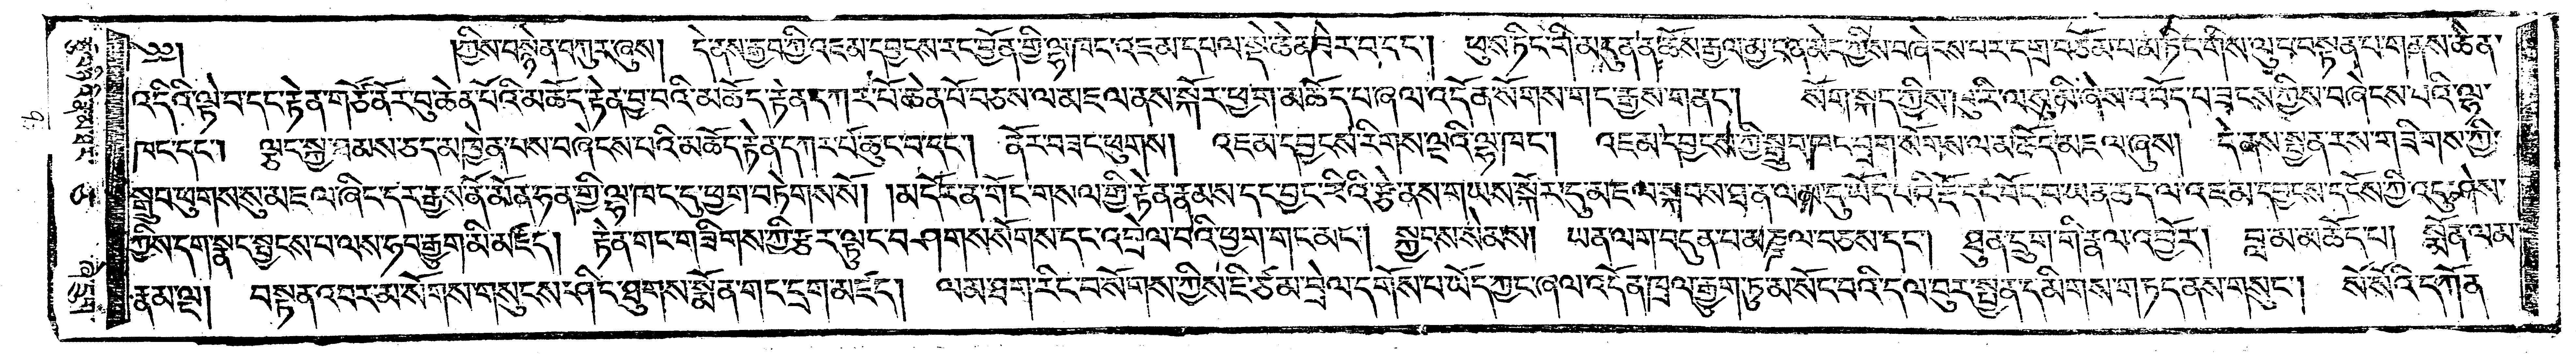༄༅། །ཀྱིས་བསྙེན་བཀུར་ཞུས། དེ་ནས་རྒྱབ་ཀྱི་འཇམ་དབྱངས་རང་བྱོན་གྱི་ལྷ་ཁང་འཇམ་དཔལ་སྡེ་ཆེན་ཟེར་བ་དང་། ཕུས་ཏིང་གི་མདུན་ན་ཆོས་རྒྱལ་མྱ་ངན་མེད་ཀྱིས་བཞེངས་པར་དགྲ་བཅོམ་པ་མ་ཏིང་གིས་ལུང་བསྟན་པ་གནས་ཆེན་
འདིའི་ལྟེ་བ་དང་རྟེན་གཙོ་ནོར་བུ་ཆེན་པོའི་མཆོད་རྟེན་བྱ་བའི་མཆོད་རྟེན་དཀར་པོ་ཆེན་པོ་བཅས་ལ་མཇལ་ནས་སྐོར་ཕྱག་མཆོད་པ་ཞལ་འདོན་སོགས་གང་རྒྱས་གནང་། སོག་སྐད་ཀྱིས་ཁུ་རི་ལ་སུ་མི་ཞེས་འབོད་པ་ཟངས་ཀྱིས་བཞེངས་པའི་ལྷ་
ཁང་དང་། ལྕང་སྐྱ་ཐམས་ཅད་མཁྱེན་པས་བཞེངས་པའི་མཆོད་རྟེན་དཀར་པོ་ཆུང་བ་དང་། ནོར་བཟང་ཕུགས། འཇམ་དབྱངས་རིགས་ལྔའི་ལྷ་ཁང་། འཇམ་དབྱངས་ཀྱི་སྒྲུབ་ཁང་བྲག་སོགས་ལ་མཆོད་འཇམ་ཞུས། དེ་ནས་སྤྱན་རས་གཟིགས་ཀྱི་
སྒྲུབ་ཕུགས་སུ་མཇལ་ཞིང་དར་རྒྱས་ནོ་མོན་ཧན་གྱི་ལྷ་ཁང་དུ་ཕྱག་བཏེགས་སོ། །མདོར་ན་གོང་གསལ་གྱི་རྟེན་རྣམས་དང་བྱང་རིའི་རྩེ་ནས་གཡས་སྐོར་དུ་མཇལ་སྐབས་ཐ་ན་ལམ་དུ་ཡོད་པའི་རྡོ་དང་བོང་བ་ཡན་ཆད་ལ་འཇམ་དབྱངས་དངོས་ཀྱི་འདུ་ཤེས་
ཀྱིས་དག་སྣང་སྦྱངས་བ་ལས་ཧབ་རྒྱུག་མི་མཛད། རྟེན་གང་གཟིགས་ཀྱི་རྩར་ལྟུང་བཤགས་སོགས་དང་འབྲེལ་བའི་ཕྱག་གང་མང་། སྐྱབས་སེམས། ཡན་ལག་བདུན་པ་མཎྜལ་བཅས་དང་། ཐུན་དྲུག་གི་རྣལ་འབྱོར། བླ་མ་མཆོད་པ། སྨོན་ལམ་
རྣམ་ལྔ། བསྟན་འབར་མ་སོགས་གསུངས་ཤིང་ཐུགས་སྨོན་གང་དྲག་མཛད། ལམ་ཐག་རིང་བ་སོགས་ཀྱིས་ཇི་ཙམ་བྲེལ་དགོས་པ་ཡོད་ཀྱང་ཞལ་འདོན་ཁྲལ་རྒྱུག་ཏུ་མ་སོང་བའི་དལ་བུར་སྤྱན་དམིགས་གཏད་ནས་གསུང་། སོ་སོའི་དཀོན་